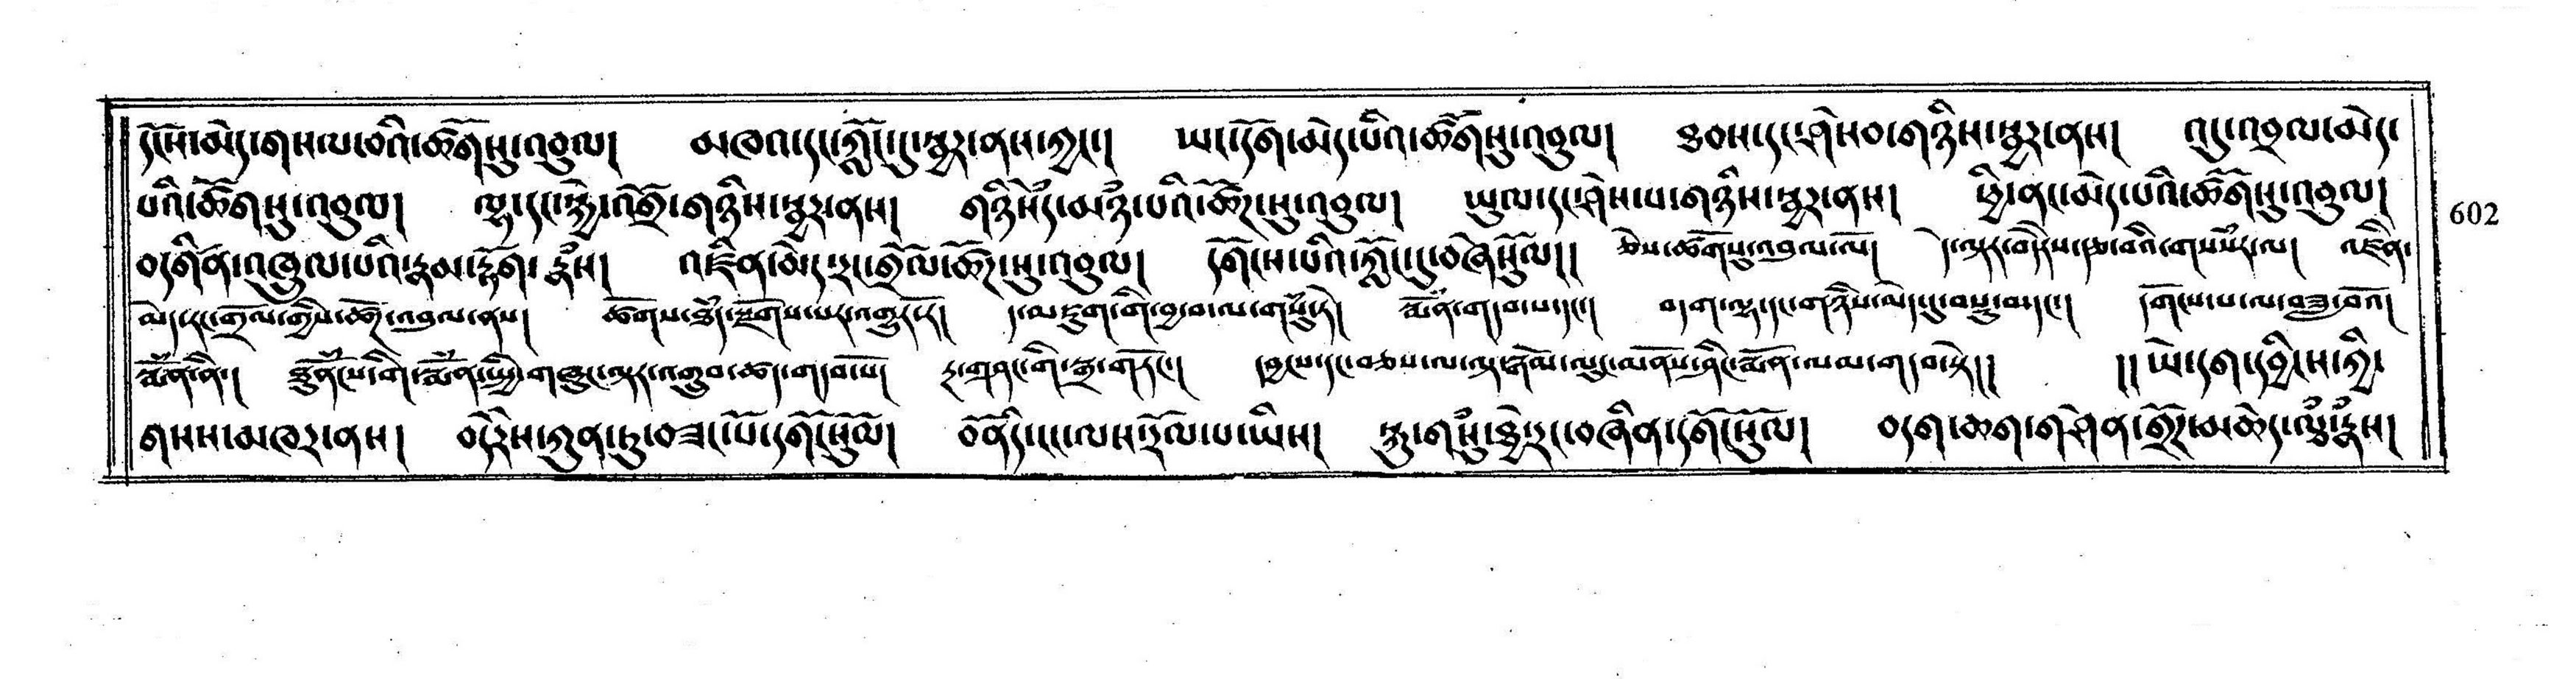དངོས་མེད་གསལ་བའི་ཚོགས་སུ་འབུལ། མཁའ་དང་ཀློང་དུ་སྦྱར་ནས་ཀྱང་། ཡང་དོག་མེད་པའི་ཚོགས་སུ་འབུལ། ཐབས་དང་ཤེས་རབ་གཉིས་སྦྱར་ནས། འདུ་འབྲལ་མེད་
པའི་ཚོགས་སུ་འབུལ། ལྷ་དང་སྐྱེ་འགྲོ་གཉིས་སྦྱར་ནས། གཉིས་མེད་མཉམ་པའི་ཚོགས་སུ་འབུལ། ཡུལ་དང་ཤེས་པ་གཉིས་སྦྱར་ནས། ཕྱི་ནང་མེད་པའི་ཚོགས་སུ་འབུལ། 
བདག་འཛིན་འཁྲུལ་པའི་རྣམ་རྟོག་རྣམས། འཛིན་མེད་རང་གྲོལ་ཚོགས་སུ་འབུལ། དགོངས་པའི་ཀློང་དུ་བཞེས་སུ་གསོལ།། ཅེས་ཚོགས་སུ་འབུལ་ལོ། དེ་ལྟར་བདེར་གཤེགས་རྩ་བའི་གསས་མཁར་ལ། འཛིན་
མེད་རང་གྲོལ་གྱིས་ཚོགས་འབུལ་ནས། ཚོགས་ཐམས་ཅད་རྫོགས་པར་འགྱུར་རོ། ད་མཇུག་གི་བྱ་བ་ལ་གསུམ་ཏེ། སྨོན་ལམ་གདབ་པ་དང་། བདག་ལྷ་དང་གཉིས་མེད་དུ་བསྡུ་བ་དང་། དགོངས་པ་ལ་བཟླ་བའོ།
སྨོན་ལམ་ནི། ཐུང་མོངས་གི་སྨོན་ལམ་སྤྱི་གཞུང་ལྟར་འགྲུབ་ཚད་གདབ་པོ། རྔ་གཤང་གི་སྒྲ་གཏོང་། དབྱངས་དང་བཅས་ལ་ལྟ་སྒོམ་ལུང་མནོས་ཤིང་སྨོན་ལམ་གདབ་སྟེ།། །།ཡེ་དག་དབྱིངས་ཀྱི་
གསས་མཁར་ནས། བདེར་གཤེགས་ཀུན་ཏུ་བཟང་པོ་དགོངས་སུ་གསོལ། བོན་ཉིད་ངང་ལས་རོལ་པ་ཡིས། སྐུ་གསུམ་ཐུགས་རྗེ་རང་བཞིན་དགོངས་སུ་གསོལ། བདག་ཆག་གཤེན་གྲོགས་མཆེད་ལྕམ་རྣམས།